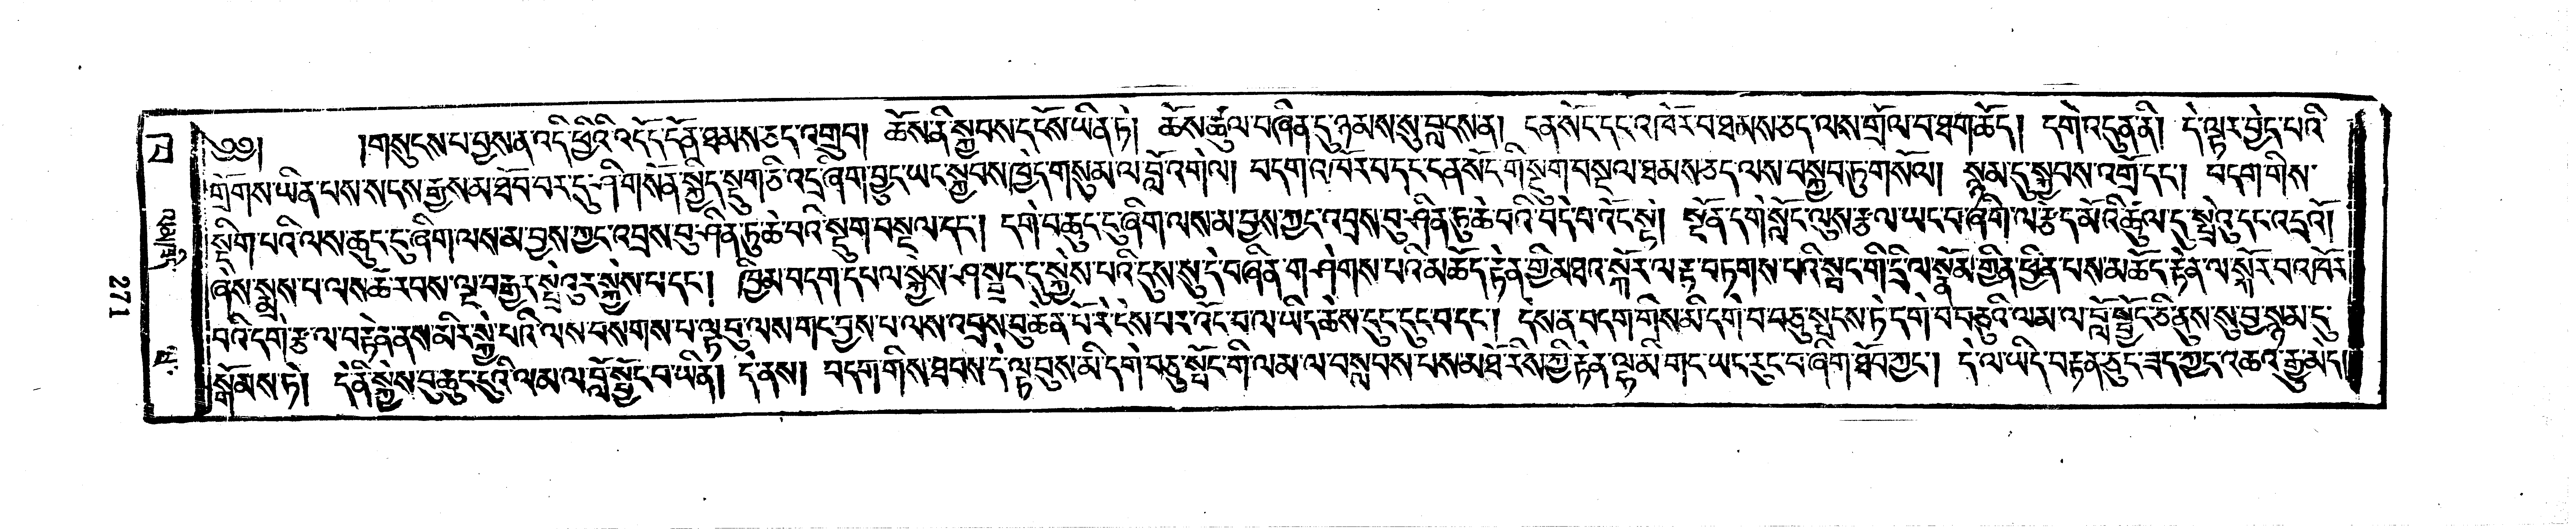༄༅། །གསུངས་པ་བྱས་ན་འདི་ཕྱིའི་འདོད་དོན་ཐམས་ཅད་འགྲུབ། ཆོས་ནི་སྐྱབས་དངོས་ཡིན་ཏེ། ཆོས་ཚུལ་བཞིན་དུ་ཉམས་སུ་བླངས་ན། ངན་སོང་དང་འཁོར་བ་ཐམས་ཅད་ལས་གྲོལ་བ་ཐག་ཆོད། དགེ་འདུན་ནི། དེ་ལྟར་བྱེད་པའི་
གྲོགས་ཡིན་པས་སངས་རྒྱས་མ་ཐོབ་བར་དུ་ཤི་གསོན་སྐྱིད་སྡུག་ཅི་འདྲ་ཞིག་བྱུང་ཡང་སྐྱབས་ཁྱེད་གསུམ་ལ་བློ་འགེལ། བདག་འཁོར་བ་དང་ངན་སོང་གི་སྡུག་བསྔལ་ཐམས་ཅད་ལས་བསྐྱབ་ཏུ་གསོལ། སྙམ་དུ་སྐྱབས་འགྲོ་དང་། བདག་གིས་
སྡིག་པའི་ལས་ཆུང་དུ་ཞིག་ལས་མ་བྱས་ཀྱང་འབྲས་བུ་ཤིན་ཏུ་ཆེ་བའི་སྡུག་བསྔལ་དང་། དགེ་བ་ཆུང་དུ་ཞིག་ལས་མ་བྱས་ཀྱང་འབྲས་བུ་ཤིན་ཏུ་ཆེ་བའི་བདེ་བ་འོང་སྟེ། སྔོན་དགེ་སློང་ལུས་རྩལ་ཡང་བ་ཞིག་ལ་རྩེད་མོའི་ཚུལ་དུ་སྤྲེའུ་དང་འདྲའོ།
ཞེས་སྨྲས་པ་ལས་ཆོ་རབས་ལྔ་བརྒྱར་སྤྲེའུར་སྐྱེས་པ་དང་། ཁྱིམ་བདག་དཔལ་སྐྱེས་ཤ་སྦྲད་དུ་སྐྱེས་པའི་དུས་སུ་དེ་བཞིན་གཤེགས་པའི་མཆོད་རྟེན་གྱི་མཐའ་སྐོར་ལ་རྟ་བཏགས་པའི་སྦང་གི་དྲི་ལ་སྣོམ་གྱིན་ཕྱིན་པས་མཆོད་རྟེན་ལ་སྐོར་བ་འཁོར་
བའི་དགེ་རྩ་ལ་བརྟེན་ནས་མིར་སྐྱེ་པའི་ལས་བསགས་པ་ལྟ་བུ་ལས་གང་བྱས་པ་ལས་འབྲས་བུ་ཆེན་པོ་རེ་ངེས་པར་འོད་བ་ལ་ཡིད་ཆེས་དུང་དུང་བ་དང་། དེས་ན་བདག་གིས་མི་དགེ་བ་བཅུ་སྤངས་ཏེ་དགེ་བ་བཅུའི་ལམ་ལ་བློ་སྦྱོང་ཅི་ནུས་སུ་བྱ་སྙམ་དུ་
སྒོམས་ཏེ། དེ་ནི་སྐྱེས་བུ་ཆུང་དུའི་ལམ་ལ་བློ་སྦྱོང་པ་ཡིན། དེ་ནས། བདག་གིས་ཐབས་དེ་ལྟ་བུས་མི་དགེ་བཅུ་སྤོང་གི་ལམ་ལ་བསླབས་པས་མཐོ་རིས་ཀྱི་རྟེན་ལྷ་མི་གང་ཡང་རུང་བ་ཞིག་ཐོབ་ཀྱང་། དེ་ལ་ཡིད་བརྟན་ཅུང་ཟད་ཀྱང་འཆའ་རྒྱུ་མེད།